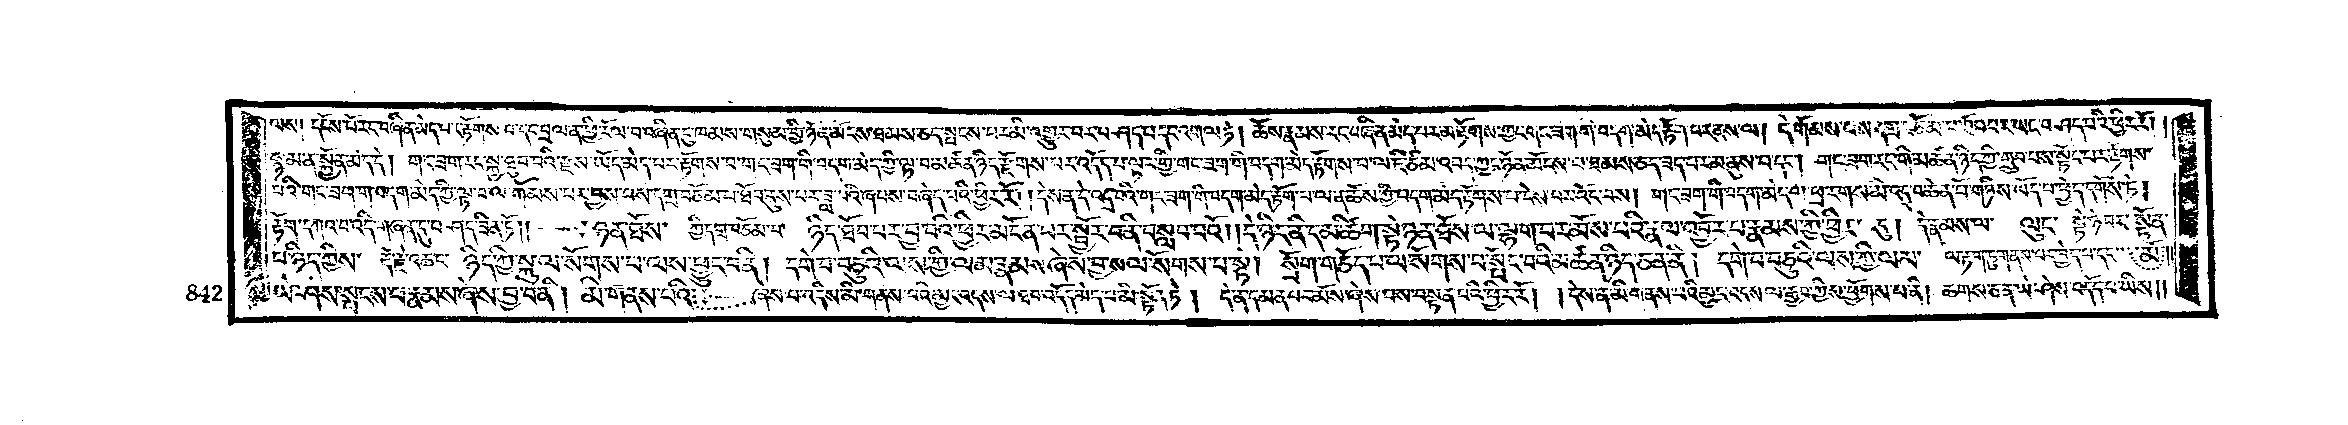ལས། དངོས་པོ་རང་བཞིན་མེད་པར་རྟོགས་པ་དང་བྲལ་ན་ཕྱི་རོལ་བ་བཞིན་དུ་ཁམས་གསུམ་གྱི་ཉོན་མོངས་ཐམས་ཅད་སྤངས་པར་མི་འགྱུར་བར་བཤད་པ་དང་འགལ་ཏེ། ཆོས་རྣམས་རང་བཞིན་མེད་པར་མ་རྟོགས་ཀྱང་གང་ཟག་གི་བདག་མེད་རྟོག་པར་ནུས་ལ། དེ་གོམས་པས་དགྲ་བཅོམ་པ་ཐོབ་པར་ཡང་བཤད་པའི་ཕྱིར་རོ། །
སྙམ་ན་སྐྱོན་མེད་དེ། གང་ཟག་རང་སྐྱ་ཐུབ་པའི་རྫས་ཡོད་མེད་པར་རྟོགས་པ་གང་ཟག་གི་བདག་མེད་ཀྱི་ལྟ་བ་མཚན་ཉིད་རྫོགས་པར་འདོད་པ་ལྟར་གྱི་གང་ཟག་གི་བདག་མེད་རྟོགས་པ་ལ་ཇི་ཙམ་འབད་ཀྱང་ཉོན་མོངས་པ་ཐམས་ཅད་ཟད་པར་མི་ནུས་པ་དང་། གང་ཟག་རང་གི་མཚན་ཉིད་ཀྱི་གྲུབ་པས་སྟོང་པར་རྟོགས་
པའི་གང་ཟག་གི་བདག་མེད་ཀྱི་ལྟ་བ་ལ་གོམས་པར་བྱས་པས་དགྲ་བཅོམ་པ་ཐོབ་ནུས་པར་ཟླ་བའི་ཞབས་བཞེད་པའི་ཕྱིར། །དེས་ན་དེ་འདྲ་བའི་གང་ཟག་གི་བདག་མེད་རྟོག་པ་ལ་ནི་ཆོས་ཀྱི་བདག་མེད་རྟོགས་པ་ངེས་པར་འོང་བས། གང་ཟག་གི་བདག་མེད་ལ་ཕྲ་རགས་མི་འདྲ་བ་ཆེན་པོ་གཉིས་ཡོད་པ་ཕྱེད་དགོས་ཏེ།
རྟོག་དཀའ་བ་འདི་གཞན་དུ་བཤད་ཟིན་ཏོ།། .H ཉན་ཐོས་ཀྱི་དགྲ་བཅོམ་པ་ཉིད་ཐོབ་པར་བྱ་བའི་ཕྱིར་མངོན་པར་སྦྱོར་བ་ནི་བསླབ་པའོ། །དེ་ཉིད་ནི་དམ་ཚིག་སྟེ་ཉན་ཐོས་ལ་ལྷག་པར་མོས་པའི་རྣལ་འབྱོར་པ་རྣམས་ཀྱི་ཕྱིར་དུ། དེ་རྣམས་ལ་ལུང་སྟེ་ཉེ་བར་སྟོན་
པ་ཉིད་ཀྱིས་རྡོ་རྗེ་འཆང་ཉིད་ཀྱི་སྐུ་ལ་སོགས་པ་ལས་ཕྱུང་བ་ནི། དགེ་བ་བཅུའི་ལས་ཀྱི་ལམ་རྣམས་ཞེས་བྱ་བ་ལ་སོགས་པ་སྟེ། སྲོག་གཅོད་པ་ལ་སོགས་པ་སྤོང་བའི་མཚན་ཉིད་ཅན་ནི། དགེ་བ་བཅུའི་ལས་ཀྱི་ལམ་ལ་རྟག་ཏུ་གནས་པར་བྱེད་པ་དང་མོ།།
ཡེ་ཤེས་སྤངས་པ་རྣམས་ཞེས་བྱ་བ་ནི། མི་གནས་པའི་H.་ཞེས་པ་འདིས་མི་གནས་པའི་མྱང་འདས་ལ་ཐོབ་འདོད་མེད་པ་མི་སྟོན་ཏེ། དེ་ན་དམན་པར་མོས་ཞེས་པས་བསྟན་པའི་ཕྱིར་རོ། །དེས་ན་མི་གནས་པའི་མྱང་འདས་ལ་རྒྱབ་ཀྱིས་ཕྱོགས་པ་ནི། ཆགས་ཅན་ཡེ་ཤེས་འདོད་པ་ཡིས། །